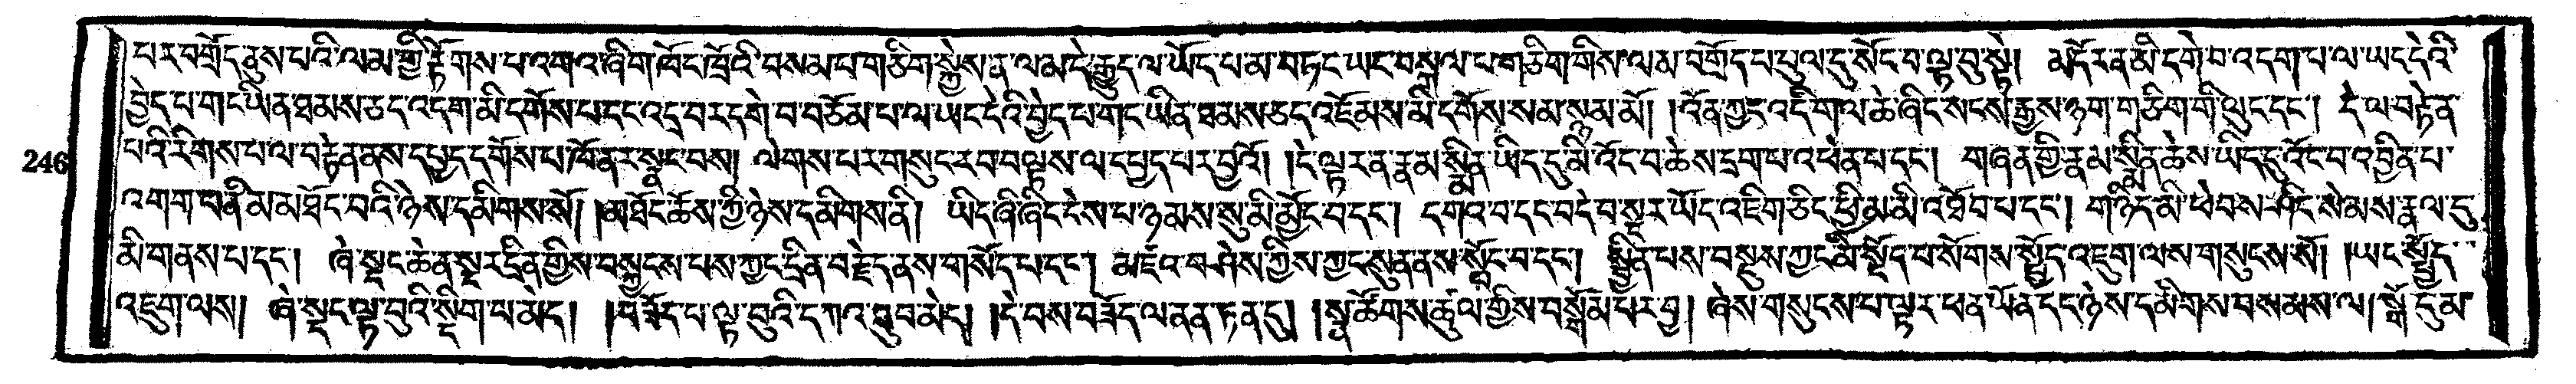པར་བགྲོད་ནུས་པའི་ལམ་གྱི་རྟོགས་པ་འགའ་ཞིག་ཁོང་ཁྲོའི་བསམ་པ་གཅིག་སྐྱེས་ན་ལམ་དེ་རྒྱུད་ལ་ཡོད་པ་མ་བཏང་ཡང་བསྐལ་པ་གཅིག་གིས་ལམ་བགྲོད་པ་པུལ་དུ་སོང་བ་ལྟ་བུ་སྟེ། མདོར་ན་མི་དགེ་བ་འདག་པ་ལ་ཡང་དེའི་
བྱེད་པ་གང་ཡིན་ཐམས་ཅད་འདག་མི་དགོས་པ་དང་འདྲ་བར་དགེ་བ་བཅོམ་པ་ལ་ཡང་དེའི་བྱེད་པ་གང་ཡིན་ཐམས་ཅད་འཇོམས་མི་དགོས་སམ་སྙམ་མོ། །འོན་ཀྱང་འདི་གལ་ཆེ་ཞིང་སངས་རྒྱས་ཉག་གཅིག་གི་ལུང་དང་། དེ་ལ་བརྟེན་
པའི་རིགས་པ་ལ་བརྟེན་ནས་དཔྱད་དགོས་པ་ཁོ་ནར་སྣང་བས། ལེགས་པར་གསུང་རབ་བལྟས་ལ་དཔྱད་པར་བྱའོ། །དེ་ལྟར་ན་རྣམ་སྨིན་ཡིད་དུ་མི་འོང་བ་ཆེས་དྲག་པ་འཕེན་པ་དང་། གཞན་གྱི་རྣམ་སྨིན་ཆེས་ཡིད་དུ་འོང་བ་འབྱིན་པ་
འགག་པ་ནི་མ་མཐོང་བའི་ཉེས་དམིགས་སོ། །མཐོང་ཆོས་ཀྱི་ཉེས་དམིགས་ནི། ཡིད་ཞི་ཞིང་ངེས་པ་ཉམས་སུ་མི་མྱོང་བ་དང་། དགའི་བ་དང་བདེ་བ་སྔར་ཡོད་འཇིག་ཅིང་ཕྱི་མ་མི་འཐོབ་པ་དང་། གཉིད་མི་ཕེབས་ཤིང་སེམས་རྣལ་དུ་
མི་གནས་པ་དང་། ཞེ་སྡང་ཆེ་ན་སྔར་དྲིན་གྱིས་བསྐྱངས་པས་ཀྱང་དྲིན་བརྗེད་ནས་གསོད་པ་དང་། མཛའ་བཤེས་ཀྱིས་ཀྱང་སུན་ནས་སྤོང་བ་དང་། སྦྱིན་པས་བསྡུས་ཀྱང་མི་སྡོད་པ་སོགས་སྤྱོད་འཇུག་ལས་གསུངས་སོ། །ཡང་སྤྱོད་
འཇུག་ལས། ཞེ་སྡང་ལྟ་བུའི་སྡིག་པ་མེད། །བཟོད་པ་ལྟ་བུའི་དཀའ་ཐུབ་མེད། །དེ་བས་བཟོད་ལ་ནན་ཏན་དུ། །སྣ་ཚོགས་ཚུལ་གྱིས་བསྒོམ་པར་བྱ། ཞེས་གསུངས་པ་ལྟར་ཕན་ཡོན་དང་ཉེས་དམིགས་བསམས་ལ། སྒོ་དུ་མ་